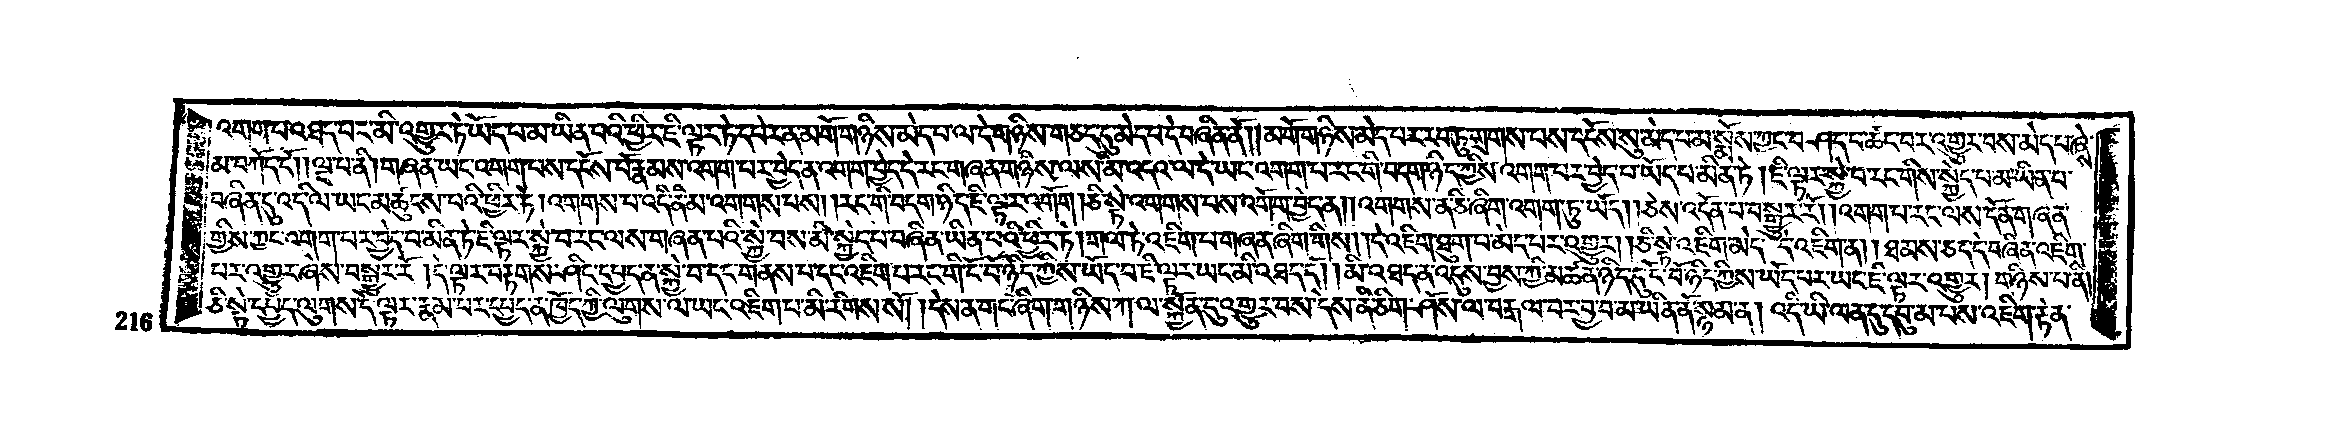འགག་པ་འཐད་པར་མི་འགྱུར་ཏེ་ཡོད་པ་མ་ཡིན་པའི་ཕྱིར་ཇི་ལྟར་ཏེ་དཔེར་ན་མགོ་གཉིས་མེད་པ་ལ་དེ་གཉིས་གཅད་དུ་མེད་པ་དེ་བཞིན་ནོ། །མགོ་གཉིས་མེད་པར་རབ་ཏུ་གྲགས་པས་དངོས་སུ་མེད་པ་མ་སྨོས་ཀྱང་བཤད་པ་ཚང་བར་འགྱུར་བས་མེད་པ་ཞེས་
མ་བཀོད་དོ། །ལྔ་པ་ནི། གཞན་ཡང་འགག་པས་དངོས་པོ་རྣམས་འགག་པར་བྱེད་ན་འགག་བྱེད་དེ་རང་གཞན་གཉིས་ལས་མི་འདའ་ལ་དེ་ཡང་འགག་པ་རང་གི་བདག་ཉིད་ཀྱིས་འགེག་པར་བྱེད་པ་ཡོད་པ་མིན་ཏེ། །ཇི་ལྟར་སྐྱེ་བ་རང་གིས་སྐྱེད་པ་མ་ཡིན་པ་
བཞིན་དུ་འདི་ལ་ཡང་མཚུངས་པའི་ཕྱིར་ཏེ། འགགས་པའི་འདི་ནི་མ་འགགས་པས། །རང་གི་བདག་ཉིད་ཇི་ལྟར་འགོག །ཅི་སྟེ་འགགས་པས་འགོག་བྱེད་ན། །འགགས་ན་ཅི་ཞིག་འགག་ཏུ་ཡོད། །ཅེས་འདོན་པ་བསྒྱུར་རོ། །འགག་པ་རང་ལས་དོན་གཞན་
གྱིས་ཀྱང་འགག་པར་བྱེད་པ་མིན་ཏེ་ཇ་ལྟར་སྐྱེ་བ་རང་ལས་གཞན་པའི་སྐྱེ་བས་མི་སྐྱེད་པ་བཞིན་ཡིན་པའི་ཕྱིར་ཏེ། གལ་ཏེ་འཇིག་པ་གཞན་ཞིག་གིས། །དེ་འཇིག་ཐུག་པ་མེད་པར་འགྱུར། །ཅི་སྟེ་འཇིག་མེད་དེ་འཇིག་ན། །ཐམས་ཅད་དེ་བཞིན་འཇིག་
པར་འགྱུར་ཞེས་བསྒྱུར་རོ། །དེ་ལྟར་བརྟགས་ཤིང་དཔྱད་ན་སྐྱེ་བ་དང་གནས་པ་དང་འཇིག་པ་རང་གི་ངོ་བོ་ཉིད་ཀྱིས་ཡོད་པ་ཇི་ལྟར་ཡང་མི་འཐད་དོ། །མི་འཐད་ན་འདུས་བྱས་ཀྱི་མཆན་ཉིད་དུ་ངོ་བོ་ཉིད་ཀྱིས་ཡོད་པར་ཡང་ཇི་ལྟར་འགྱུར། གཉིས་པ་ནི།
ཅི་སྟེ་དཔྱོད་ལུགས་དེ་ལྟར་རྣམ་པར་དཔྱད་ན་ཁྱོད་ཀྱི་ལུགས་ལ་ཡང་འཇིག་པ་མི་རིགས་སོ། །དེས་ན་གང་ཞིག་གཉིས་ཀ་ལ་སྐྱོན་དུ་འགྱུར་བས་དེས་ནི་ཅིག་ཤོས་ལ་བརྒལ་བར་བྱ་བ་མ་ཡིན་ནོ་སྙམ་ན། འདི་ཡི་ལན་དུ་དབུ་མ་པས་འཇིག་རྟེན་